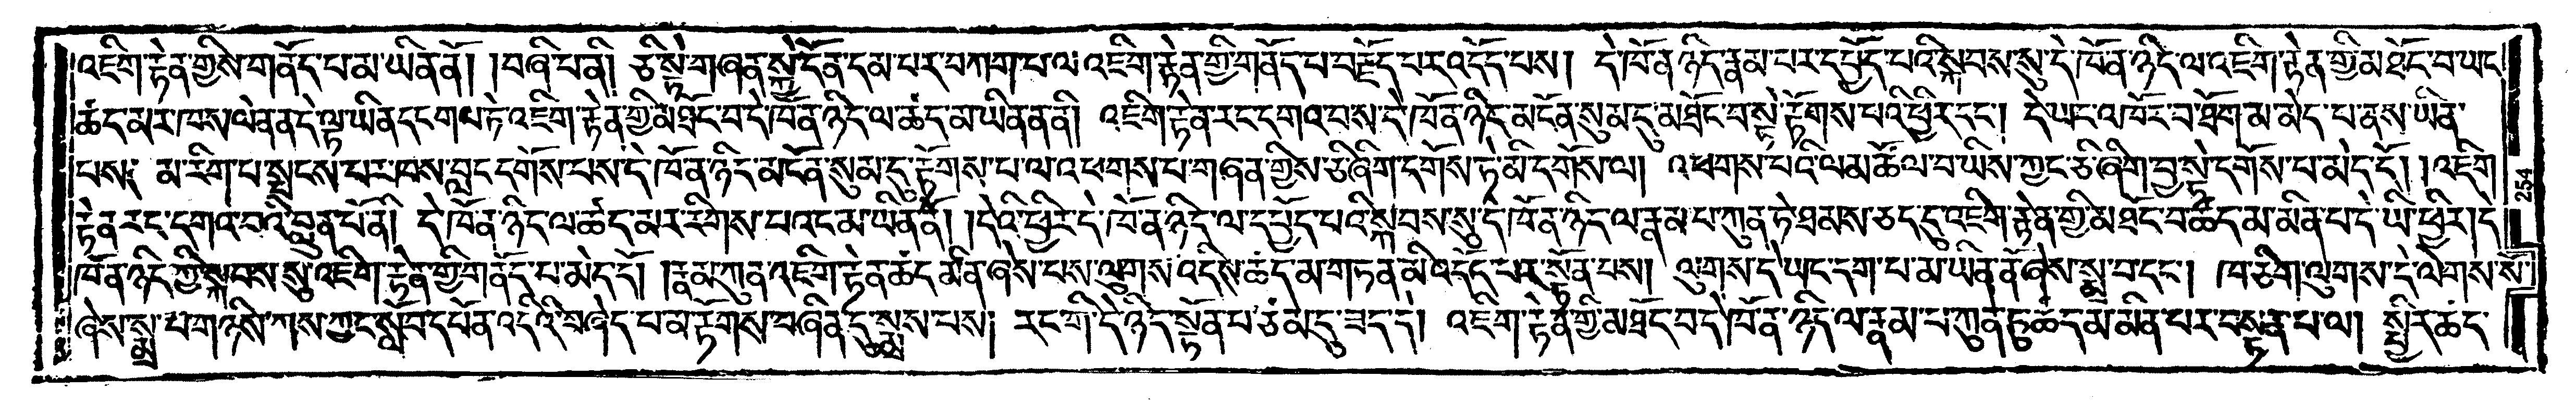འཇིག་རྟེན་གྱིས་གནོད་པ་མ་ཡིན་ནོ། །བཞི་པ་ནི། ཅི་སྟེ་གཞན་སྐྱེ་དོན་དམ་པར་བཀག་པ་ལ་འཇིག་རྟེན་གྱི་གནོད་པ་བརྗོད་པར་འདོད་པས། དེ་ཁོ་ན་ཉིད་རྣམ་པར་དཔྱོད་པའི་སྐབས་སུ་དེ་ཁོ་ན་ཉིད་ལ་འཇིག་རྟེན་གྱི་མཐོང་བ་ཡང་
ཚད་མར་ཁས་ལེན་ན་དེ་ལྟ་ཡིན་དང་གལ་ཏེ་འཇིག་རྟེན་གྱི་མཐོང་བ་དེ་ཁོ་ན་ཉིད་ལ་ཚད་མ་ཡིན་ན་ནི། འཇིག་རྟེན་རང་དགའ་བས་དེ་ཁོ་ན་ཉིད་མངོན་སུམ་དུ་མཐོང་བ་སྟེ་རྟོགས་པའི་ཕྱིར་དང་། དེ་ཡང་འཁོར་བ་ཐོག་མ་མེད་པ་ནས་ཡིན་
པས༑ མ་རིག་པ་སྤངས་པར་ཁས་བླང་དགོས་པས་དེ་ཁོ་ན་ཉིད་མངོན་སུམ་དུ་རྟོགས་པ་ལ་འཕགས་པ་གཞན་གྱིས་ཅི་ཞིག་དགོས་ཏེ་མི་དགོས་ལ། འཕགས་པའི་ལམ་ཚོལ་བ་ཡིས་ཀྱང་ཅི་ཞིག་བྱ་སྟེ་དགོས་པ་མེད་དོ། །འཇིག་
རྟེན་རང་དགའ་བའི་བླུན་པོ་ནི། དེ་ཁོ་ན་ཉིད་ལ་ཚད་མར་རིགས་པའང་མ་ཡིན་ནོ། །དེའི་ཕྱིར་དེ་ཁོ་ན་ཉིད་ལ་དཔྱོད་པའི་སྐབས་སུ་དེ་ཁོ་ན་ཉིད་ལ་རྣམ་པ་ཀུན་ཏེ་ཐམས་ཅད་དུ་འཇིག་རྟེན་གྱི་མཐོང་བ་ཚད་མ་མིན་པ་དེ་ཡི་ཕྱིར། དེ་
ཁོ་ན་ཉིད་ཀྱི་སྐབས་སུ་འཇིག་རྟེན་གྱི་གནོད་པ་མེད་དོ། །རྣམ་ཀུན་འཇིག་རྟེན་ཚད་མིན་ཞེས་པས་ལུགས་འདིས་ཚད་མ་གཏན་མི་འདོད་པར་སྟོན་པས། ལུགས་དེ་ཡང་དག་པ་མ་ཡིན་ནོ་ཞེས་སྨྲ་བ་དང་། ཁ་ཅིག་ལུགས་དེ་ལེགས་སོ་
ཞེས་སྨྲ་བ་གཉིས་ཀས་ཀྱང་སློབ་དཔོན་འདིའི་བཞེད་པ་མ་རྟོགས་བཞིན་དུ་སྨྲས་པས། རང་གི་དེ་ཉིད་སྟོན་པ་ཙམ་དུ་ཟད་དེ། འཇིག་རྟེན་གྱི་མཐོང་བ་དེ་ཁོ་ན་ཉིད་ལ་རྣམ་པ་ཀུན་ཏུ་ཚད་མ་མིན་པར་བསྟན་པ་ལ། སྤྱིར་ཚད་